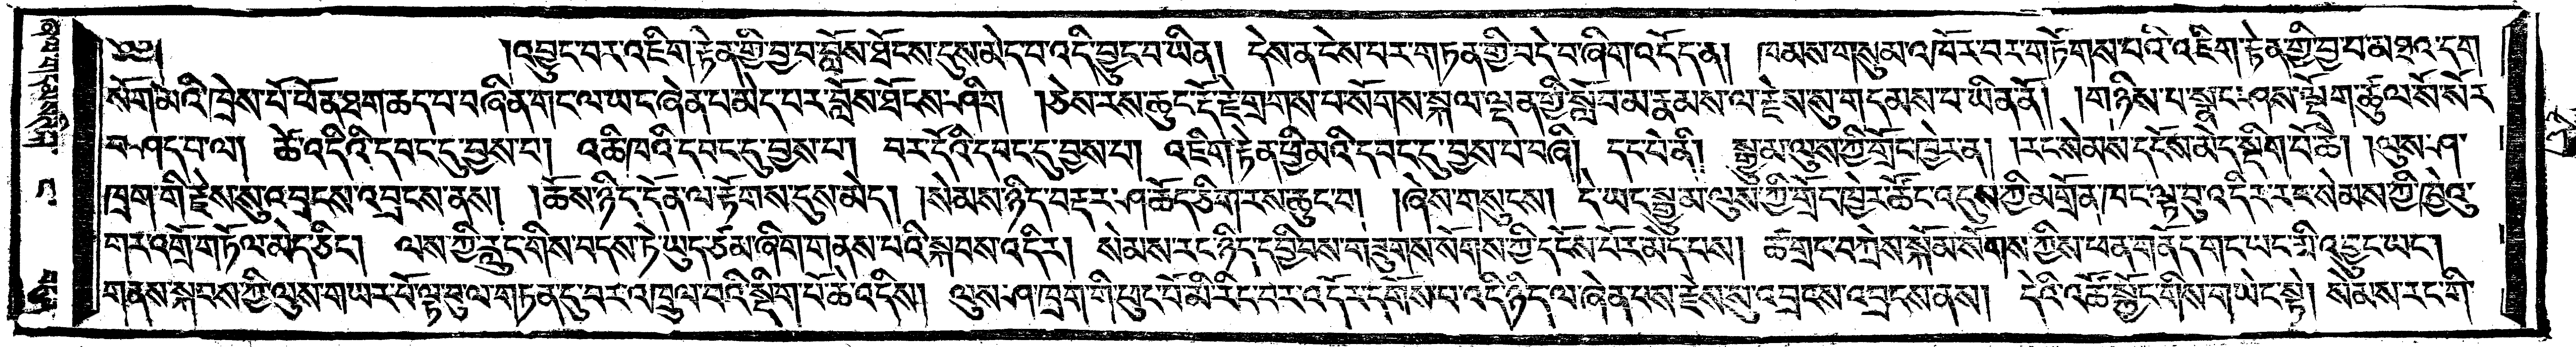༄༅། །འབྱུང་བར་འཇིག་རྟེན་གྱི་བྱ་བ་བློས་ཐོངས་དུས་མེད་པ་འདི་བྱུང་པ་ཡིན། དེས་ན་ངེས་པར་གཏན་གྱི་བདེ་བ་ཞིག་འདོད་ན། ཁམས་གསུམ་འཁོར་བར་གཏོགས་པའི་འཇིག་རྟེན་གྱི་བྱ་བ་མཐའ་དག་
སོག་མའི་ཁྲེས་པོ་ཕོན་ཐག་ཆད་པ་བཞིན་གང་ལ་ཡང་ཞེན་པ་མེད་པར་བློས་ཐོངས་ཤིག །ཅེས་རས་ཆུང་རྡོ་རྗེ་གྲགས་པ་སོགས་སྐལ་ལྡན་གྱི་སློབ་མ་རྣམས་ལ་རྗེས་སུ་གདམས་པ་ཡིན་ནོ། །གཉིས་པ་སྣང་ཤས་ལྡོག་ཚུལ་སོ་སོར་
བཤད་པ་ལ། ཚེ་འདིའི་དབང་དུ་བྱས་པ། འཆི་ཁའི་དབང་དུ་བྱས་པ། བར་དོའི་དབང་དུ་བྱས་པ། འཇིག་རྟེན་ཕྱི་མའི་དབང་དུ་བྱས་པ་བཞི། དང་པོ་ནི། སྒྱུ་མ་ལུས་ཀྱི་གྲོང་ཁྱེར་ན། །རང་སེམས་དངོས་མེད་སྡིག་པོ་ཆེ། །ལུས་ཤ་
ཁྲག་གི་རྗེས་སུ་འབྲངས་འབྲངས་ནས། །ཆོས་ཉིད་དོན་ལ་རྟོགས་དུས་མེད། །སེམས་ཉིད་བརྡར་ཤ་ཆོད་ཅིག་རས་ཆུང་བ། །ཞེས་གསུངས། དེ་ཡང་སྒྱུ་མ་ལུས་ཀྱི་གྲོང་ཁྱེར་ཚོང་འདུས་ཀྱི་མགྲོན་ཁང་ལྟ་བུ་འདིར་རང་སེམས་ཀྱི་ཁྱེའུ་
གར་འགྲོ་གཏོལ་མེད་ཅིང་། ལས་ཀྱི་རླུང་གིས་བདས་ཏེ་ཡུད་ཙམ་ཞིག་གནས་པའི་སྐབས་འདིར། སེམས་རང་ཉིད་དབྱིབས་གཟུགས་སོགས་ཀྱི་དངོས་པོར་མེད་པས། ཚ་གྲང་བཀྲེས་སྐོམ་སོགས་ཀྱིས་ཕན་གནོད་གང་ཡང་མི་འབྱུང་ཡང་།
གནས་སྐབས་ཀྱི་ལུས་གཡར་བོ་ལྟ་བུ་ལ་གཏན་དུ་བར་འཁྲུལ་བའི་སྡིག་པོ་ཆེ་འདིས། ལུས་ཤ་ཁྲག་གི་ཕུང་པོ་མི་རིང་བར་འདོར་དགོས་པ་འདི་ཉིད་ལ་ཞེན་པས་རྗེས་སུ་འབྲངས་འབྲངས་ནས། དེའི་འཚོ་སྐྱོང་གིས་གཡེང་སྟེ། སེམས་རང་གི་